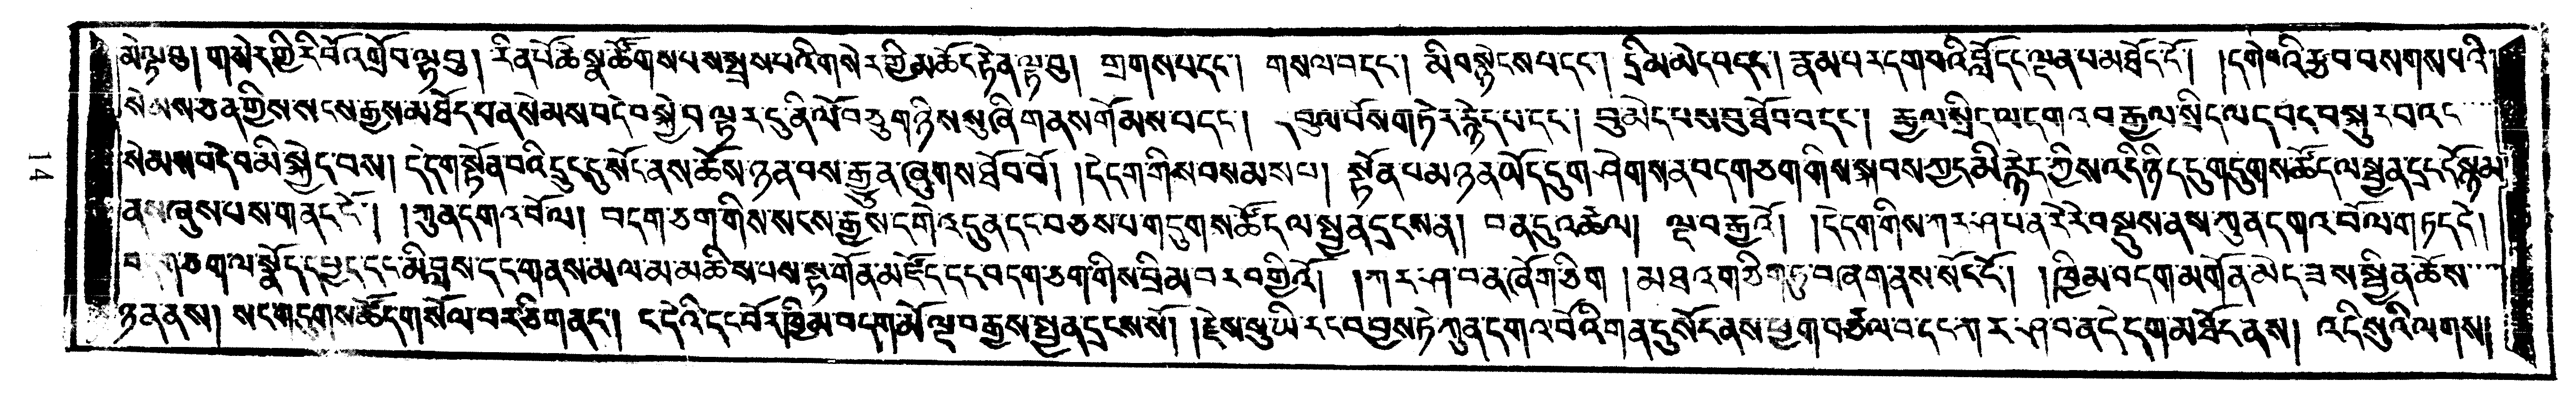མེ་ལྟ་བུ། གསེར་གྱི་རི་བོ་འགྲོ་བ་ལྟ་བུ། རིན་པོ་ཆེ་སྣ་ཚོགས་པས་སྤྲས་པའི་གསེར་གྱི་མཆོད་རྟེན་ལྟ་བུ། གྲགས་པ་དང་། གསལ་བ་དང་། མི་བསྙེངས་པ་དང་། དྲི་མ་མེད་པ་དང་། རྣམ་པར་དག་པའི་བློ་དང་ལྡན་པ་མཐོང་ངོ། །དགེ་བའི་རྩ་བ་བསགས་པའི་
སེམས་ཅན་གྱིས་སངས་རྒྱས་མཐོད་པ་ན་སེམས་བདེ་བ་སྐྱེ་བ་ལྟར་དུ་ནི་ལོ་བཅུ་གཉིས་སུ་ཞི་གནས་གོམས་པ་དང་། དབུལ་པོས་གཏེར་རྙེད་པ་དང་། བུ་མེད་པས་བུ་ཐོབ་བ་དང་། རྒྱལ་སྲིད་ལ་དགའ་བརྒྱལ་སྲིད་ལ་དབང་བསྐུར་བ་འང་
སེམས་བདེ་བ་མི་སྐྱེད་པས། དེ་དག་སྟོན་པའི་དྲུང་དུ་སོང་ནས་ཆོས་ཉན་པས་རྒྱུན་ཞུགས་ཐོབ་བོ། །དེ་དག་གིས་བསམས་པ། སྟོན་པ་མཉན་ཡོད་དུ་གཤེགས་ན་བདག་ཅག་གིས་སྐབས་ཀྱང་མི་རྙེད་ཀྱིས་འདི་ཉིད་དུ་གདུགས་ཚོད་ལ་སྤྱན་དྲང་ངོ་སྙམ་
ནས་ཞུས་པས་གནང་ངོ། །ཀུན་དགའ་བོ་ལ། བདག་ཅག་གིས་སངས་རྒྱས་དགེ་འདུན་དང་བཅས་པ་གདུགས་ཚོད་ལ་སྤྱན་དྲངས་ན། བ་ན་དུ་འཚལ། ལྔ་བརྒྱའོ། །དེ་དག་གིས་ཀར་ཤ་པ་ན་རེ་རེ་བསྡུས་ནས་ཀུན་དགའ་བོ་ལ་གཏད་དེ།
བདག་ཅག་ལ་སྣོད་དཔྱད་དང་མི་བླས་དང་གནས་མལ་མ་མཆིས་པས་སྟ་གོན་མཛོད་དང་བདག་ཅག་གིས་བྲིམ་པར་བགྱིའོ། །ཀར་ཤ་བ་ན་ཞོག་ཅིག །མཐའ་གཅིག་ཏུ་བཞག་ནས་སོང་ངོ། །ཁྱིམ་བདག་མགོན་མེད་ཟས་སྦྱིན་ཆོས་
ཉན་ནས། སང་གདུགས་ཚོད་གསོལ་བར་ཅི་གནང་། ང་དེའི་དང་པོར་ཁྱིམ་བདག་མོ་ལྔ་བརྒྱས་སྤྱན་དྲངས་སོ། །རྗེས་སུ་ཡི་རང་བ་བྱས་ཏེ་ཀུན་དགའ་བོའི་གན་དུ་སོང་ནས་ཕྱག་བཙལ་བ་དང་ཀར་ཤ་བ་ན་དེ་དག་མཐོང་ནས། འདི་སུའི་ལགས།